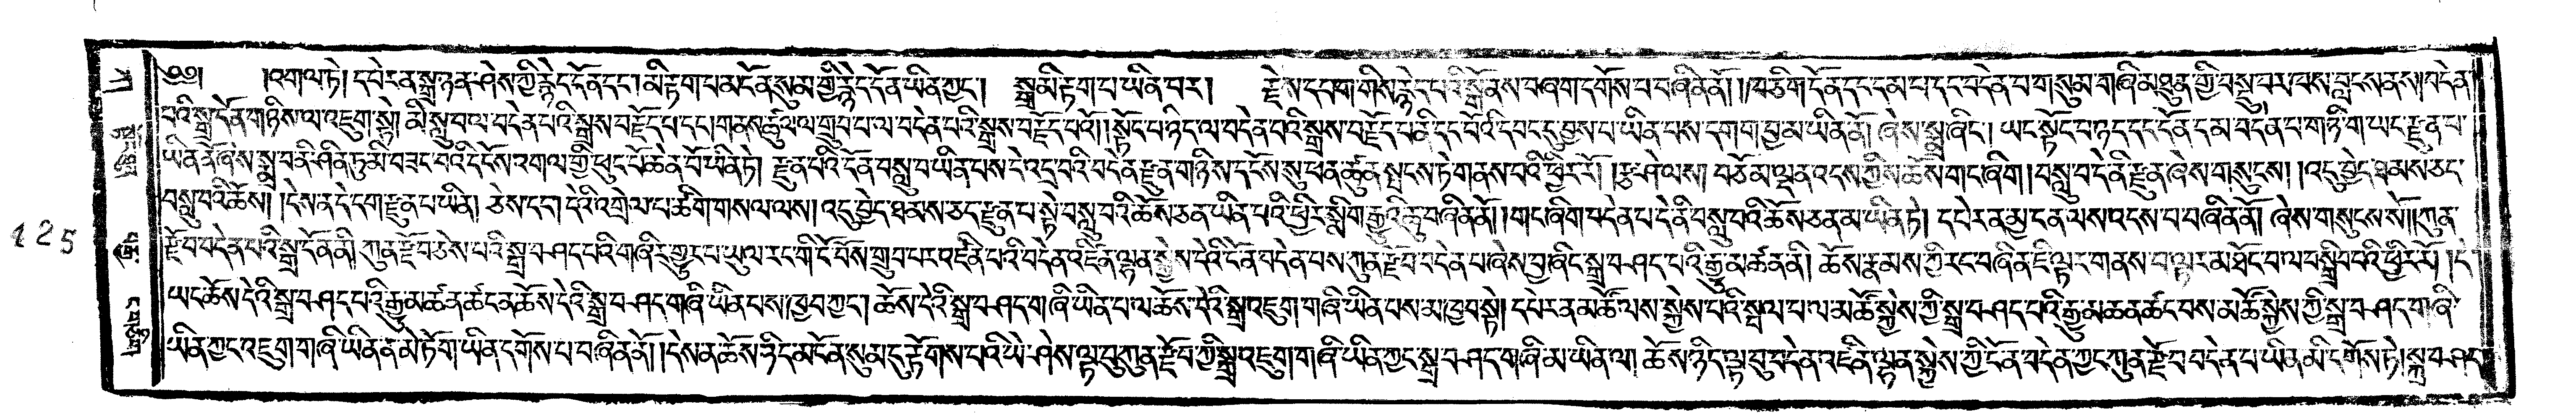༄༅། །འགལ་ཏེ། དཔེར་ན་སྒྲ་ཉན་ཤེས་ཀྱི་རྙེད་དོན་དང་། མི་རྟག་པ་མངོན་སུམ་གྱི་རྙེད་དོན་ཡིན་ཀྱང་། སྒྲ་མི་རྟག་པ་ཡིན་པར། རྗེས་དཔག་གིས་རྙེད་པའི་སྒོ་ནས་བཞག་དགོས་པ་བཞིན་ནོ། །ཁ་ཅིག་དོན་དང་དམ་པ་དང་བདེན་པ་གསུམ་གཞི་མཐུན་གྱི་བསྡུ་བར་ཁས་བླངས་ནས། བདེན་
པའི་སྒྲ་དོན་གཉིས་ལ་འཇུག་སྟེ། མི་སླུ་བ་ལ་བདེན་པའི་སྒྲས་བརྗོད་པ་དང་། གནས་ཚུལ་ལ་གྲུབ་པ་ལ་བདེན་པའི་སྒྲས་བརྗོད་པའོ། །སྟོང་པ་ཉིད་ལ་བདེན་པའི་སྒྲས་བརྗོད་པ་ནི་དང་པོའི་དབང་དུ་བྱས་པ་ཡིན་པས་དགག་བྱ་མ་ཡིན་ནོ། ཞེས་སྨྲ་ཞིང་། ཡང་སྟོང་པ་ཉད་དང་དོན་དམ་བདེན་པ་གཉི་ག་ཡང་རྫུན་པ་
ཡིན་ནོ་ཞེས་སྨྲ་བ་ནི་ཤིན་ཏུ་མི་བཟང་བའི་དངོས་འགལ་གྱི་ཕུང་པོ་ཆེན་པོ་ཡིན་ཏེ། རྫུན་པའི་དོན་བསླུ་བ་ཡིན་པས་དེ་འདྲ་བའི་བདེན་རྫུན་གཉིས་དངོས་སུ་ཕན་ཚུན་སྤངས་ཏེ་གནས་བའི་ཕྱིར་རོ། །རྩ་ཤེ་ལས། བཅོམ་ལྡན་འདས་ཀྱིས་ཆོས་གང་ཞིག །བསླུ་བ་དེ་ནི་རྫུན་ཞེས་གསུངས། །འདུ་བྱད་ཐམས་ཅད་
བསླུ་བའི་ཆོས། །དེས་ན་དེ་དག་རྫུན་པ་ཡིན། ཅེས་དང་། དེའི་འགྲེལ་པ་ཚིག་གསལ་ལས། འདུ་བྱེད་ཐམས་ཅད་རྫུན་པ་སྟེ་བསླུ་བའི་ཆོས་ཅན་ཡིན་པའི་ཕྱིར་སྨིག་རྒྱུའི་ཆུ་བཞིན་ནོ། །གང་ཞིག་བདེན་པ་དེ་ནི་བསླུ་བའི་ཆོས་ཅན་མ་ཡིན་ཏེ། དཔེར་ན་མྱ་ངན་ལས་འདས་པ་བཞིན་ནོ། ཞེས་གསུངས་སོ། །ཀུན་
རྫོབ་བདེན་པའི་སྒྲ་དོན་ནི། ཀུན་རྫོབ་ཅེས་པའི་སྒྲ་བཤད་པའི་གཞིར་གྱུར་པ་ཡུལ་རང་གི་ངོ་བོས་གྲུབ་པར་འཛིན་པའི་བདེན་འཛིན་ལྷན་སྐྱེས་དེའི་ངོ་ན་བདེན་པས་ཀུན་རྫོབ་བདེན་པ་ཞེས་བྱ་ཞིང་སྒྲ་བཤད་པའི་རྒྱུ་མཚན་ནི། ཆོས་རྣམས་ཀྱི་རང་བཞིན་ཇི་ལྟར་གནས་བ་ལྟར་མཐོང་བ་ལ་བསྒྲིབ་པའི་ཕྱིར་རོ། །དེ་
ཡང་ཆོས་དེའི་སྒྲ་བཤད་པའི་རྒྱུ་མཚན་ཚང་ན་ཆོས་དེའི་སྒྲ་བཤད་གཞི་ཡིན་པས་ཁྱབ་ཀྱང་། ཆོས་དེའི་སྒྲ་བཤད་གཞི་ཡིན་པ་ལ་ཆོས་དེའི་སྒྲ་འཇུག་གཞི་ཡིན་པས་མ་ཁྱབ་སྟེ། དཔེར་ན་མཚོ་ལས་སྐྱེས་པའི་སྦལ་པ་ལ་མཚོ་སྐྱེས་ཀྱི་སྒྲ་བཤད་པའི་རྒྱུ་མཆན་ཚང་བས་མཚོ་སྐྱེས་ཀྱི་སྒྲ་བཤད་གཞི་
ཡིན་ཀྱང་འཇུག་གཞི་ཡིན་ན་མེ་ཏོག་ཡིན་དགོས་པ་བཞིན་ནོ། །དེས་ན་ཆོས་ཉིད་མངོན་སུམ་དུ་རྟོགས་པའི་ཡེ་ཤེས་ལྟ་བུ་ཀུན་རྫོབ་ཀྱི་སྒྲ་འཇུག་གཞི་ཡིན་ཀྱང་སྒྲ་བཤད་གཞི་མ་ཡིན་ལ། ཆོས་ཉིད་ལྟ་བུ་བདེན་འཛིན་ལྷན་སྐྱེས་ཀྱི་ངོ་ན་བདེན་ཀྱང་ཀུན་རྫོབ་བདེན་པ་ཡིན་མི་དགོས་ཏེ། སྒྲ་བཤད་